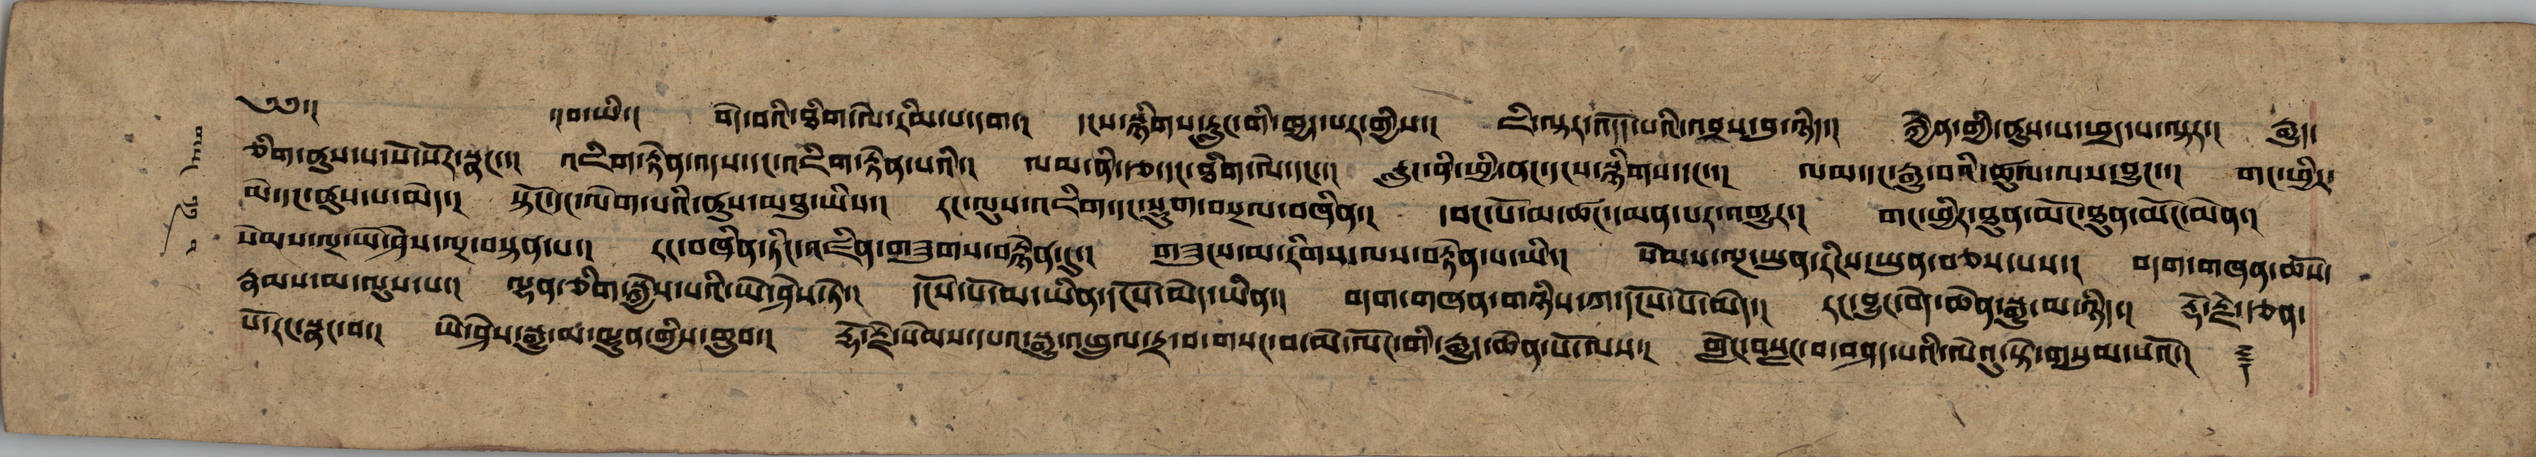༄༅་། ་།བ་ཡི་། བདེ་བའི་ཐིག་ལེ་རིམ་པ་དག་། དངས་སྙིགས་རླུང་གི་ཁྱད་པར་གྱིས་། ཇི་ལྟར་འདོད་པའི་འབྲས་བུ་ཉིད་། རྐྱེན་གྱི་ནུས་པ་ཕྲད་པ་ལྟར་། རྒྱུད་
ཅིག་ནུས་པ་སོ་སོར་སྣང་་། འཇིག་རྟེན་འདས་དང་འཇིག་རྟེན་པའི་། ལམ་ནི་རྩ་དང་ཐིག་ལེ་དང་་། རླུང་ནི་ཕྱི་ནང་དངས་སྙིགས་དང་་། ལམ་དང་རྒྱུ་བའི་ཚུལ་ལས་བྱུང་་། གང་ཕྱིར་
མེ་དང་ནུས་པ་མེད་། སྟོང་དང་ལོག་པའི་ནུས་མཐུ་ཡིས་། རང་ལུས་འཇིག་དང་སྡུག་བསྔལ་བཞིན་། དབང་པོ་མ་ཚང་དམན་པར་འགྱུར་། གང་ཕྱིར་ཐུན་མོང་ཐུན་མོང་མེན་།
སེམས་ལྔ་ཡེ་ཤེས་ལྔ་བསྟན་པ་། རང་བཞིན་ཏིང་འཛིན་གཟུགས་བརྙེན་དུ་། གཟུངས་མ་རིགས་ལས་བརྟེན་པ་ཡི་། སེམས་ལྔ་ཡུན་རིངས་ཡུན་བཅས་པས་། བདག་གཞན་ཆོས་
རྣམས་མ་ལུས་པ་། ལྷན་ཅིག་སྐྱེས་པའི་ཡེ་ཤེས་ཏེ་། དངོས་པོ་མ་ཡིན་དངོས་མེད་ཡིན་། བདག་གཞན་གཉིས་ཀ་དངོས་པོ་མེད་། རང་བྱུང་བདེ་ཆེན་སྒྱུ་མ་ཉིད་། རྡོ་རྗེ་རྩན་
པོ་རང་སྣང་བ་། ཡེ་ཤེས་སྒྱུ་མ་ལྷུན་གྱིས་གྲུབ་། རྡོ་རྗེ་སེམས་དཔའ་སྒྱུ་འཕྲུལ་དྲ་བ་གསང་བ་མེ་ལོང་གི་རྒྱུད་ཆེན་པོ་ལས་། གླེང་བསླང་བ་བཤད་པའི་ལེའུ་སྟེ་གསུམ་པའོ་། ࿑